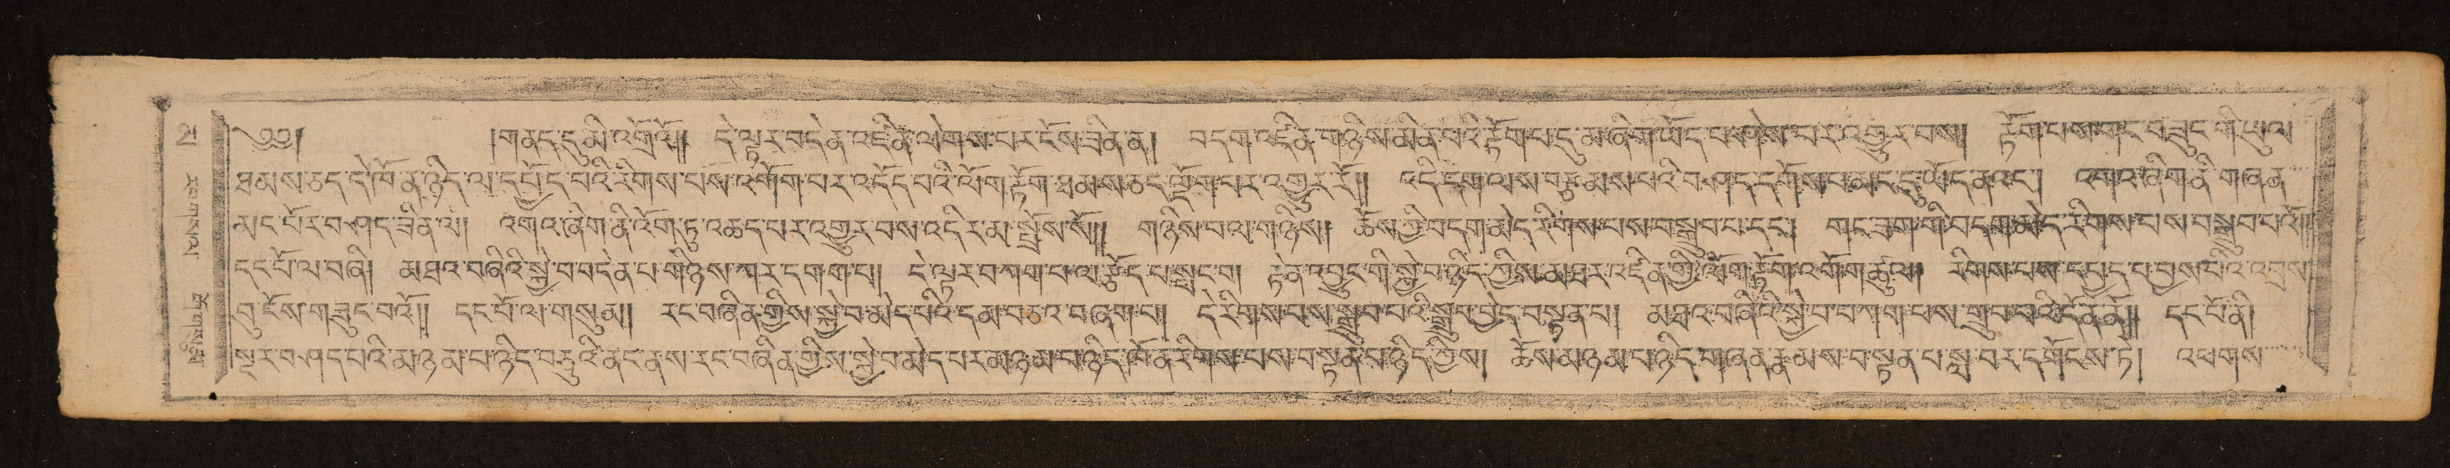༄༅། །གནད་དུ་མི་འགྲོའོ། །དེ་ལྟར་བདེན་འཛིན་ལེགས་པར་ངོས་ཟིན་ན། བདག་འཛིན་གཉིས་མིན་པའི་རྟོག་པ་དུ་མ་ཞིག་ཡོད་པ་ཤེས་པར་འགྱུར་བས། རྟོག་པས་གང་བཟུང་གི་ཡུལ་
ཐམས་ཅད་དེ་ཁོ་ན་ཉིད་ལ་དཔྱོད་པའི་རིགས་པས་འགོག་པར་འདོད་པའི་ལོག་རྟོག་ཐམས་ཅད་ལྡོག་པར་འགྱུར་རོ།། འདི་དག་ལས་བརྩམས་པའི་བཤད་དགོས་པ་མང་དུ་ཡོད་ནའང་། འགའ་ཞིག་ནི་གཞན་
མང་པོར་བཤད་ཟིན་ལ། འགའ་ཞིག་ནི་འོག་ཏུ་འཆད་པར་འགྱུར་བས་འདིར་མ་སྤྲོས་སོ།། གཉིས་པ་ལ་གཉིས། ཆོས་ཀྱི་བདག་མེད་རིགས་པས་བསྒྲུབ་པ་དང་། གང་ཟག་གི་བདག་མེད་རིགས་པས་བསྒྲུབ་པའོ།།
དང་པོ་ལ་བཞི། མཐའ་བཞིའི་སྐྱེ་བ་བདེན་པ་གཉིས་ཀར་དགག་པ། དེ་ལྟར་བཀག་པ་ལ་རྩོད་པ་སྤང་བ། རྟེན་འབྱུང་གི་སྐྱེ་བ་ཉིད་ཀྱིས་མཐར་འཛིན་གྱི་ལོག་རྟོག་འགོག་ཚུལ། རིགས་པས་དཔྱད་པ་བྱས་པའི་འབྲས་
བུ་ངོས་གཟུང་བའོ།། དང་པོ་ལ་གསུམ། རང་བཞིན་གྱིས་སྐྱེ་བ་མེད་པའི་དམ་བཅའ་བཞག་པ། དེ་རིགས་པས་སྒྲུབ་པའི་སྒྲུབ་བྱེད་བསྟན་པ། མཐའ་བཞིའི་སྐྱེ་བ་བཀག་པས་གྲུབ་པའི་དོན་ནོ།། དང་པོ་ནི།
སྔར་བཤད་པའི་མཉམ་པ་ཉིད་བཅུའི་ནང་ནས་རང་བཞིན་གྱིས་སྐྱེ་བ་མེད་པར་མཉམ་པ་ཉིད་ཁོ་ན་རིགས་པས་བསྟན་པ་ཉིད་ཀྱིས། ཆོས་མཉམ་པ་ཉིད་གཞན་རྣམས་བསྟན་པ་སླ་བར་དགོངས་ཏེ། འཕགས་